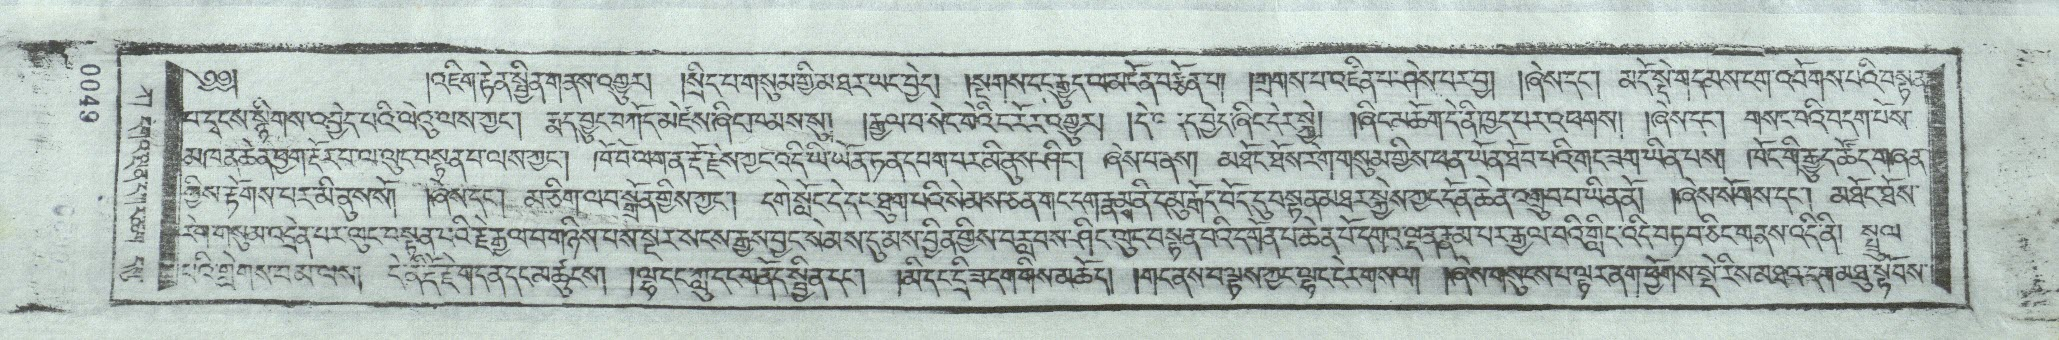༄༅། །འཇིག་རྟེན་སྦྱིན་གནས་འགྱུར། །སྲིད་པ་གསུམ་གྱི་མཐར་ཡང་བྱེད། །སྔགས་དང་རྒྱུད་ལ་མངོན་བརྩོན་པ། །གྲགས་པ་འཛིན་པ་ཤེས་པར་བྱ། །ཞེས་དང་། མདོ་སྡེ་གདམས་ངག་འབོགས་པའི་བསྟན་
པ་དྲངས་སྙིགས་འབྱེད་པའི་ལེའུ་ལས་ཀྱང་། རྨད་བྱུང་བཀོད་མཛེས་ཞིང་ཁམས་སུ། །རྒྱལ་བ་སེང་གེའི་ང་རོར་འགྱུར། །དེ་?་དབྱེད་ཞིང་དེར་སྐྱེ། །ཞིང་མཆོག་དེ་ནི་ཁྱད་པར་འཕགས། །ཞེས་དང་། གསང་བའི་བདག་པོས་
མཁན་ཆེན་ཕྱག་རྡོར་པ་ལ་ལུང་བསྟན་པ་ལས་ཀྱང་། ཁོ་བོ་ལག་ན་རྡོ་རྗེས་ཀྱང་འདི་ཡི་ཡོན་ཏན་དཔག་བར་མི་ནུས་ཤིང་། ཞེས་པ་ནས། མཐོང་ཐོས་རེག་གསུམ་གྱིས་ཕན་ཡོན་ཐོབ་པའི་གང་ཟག་ཡིན་པས། ཁོང་གི་རྒྱུད་ཚོད་གཞན་
གྱིས་རྟོགས་པར་མི་ནུས་སོ། །ཞེས་དང་། མ་ཅིག་ལབ་སྒྲོན་གྱིས་ཀྱང་། དགེ་སློང་དེ་དང་ཐུག་པའི་སེམས་ཅན་གང་ངག་རྣམས་ནི་དམུ་རྒོད་བོད་དུ་བསྟན་མཐར་སྐྱེས་ཀྱང་དོན་ཆེན་འགྲུབ་པ་ཡིན་ནོ། །ཞེས་སོགས་དང་། མཐོང་ཐོས་
རེག་གསུམ་འདྲེན་པར་ལུང་བསྟན་པའི་རྗེ་རྒྱལ་བ་གཉིས་པས་སྔར་སངས་རྒྱས་བྱང་སེམས་དུ་མས་བྱིན་གྱིས་བརླབས་ཤིང་ལུང་བསྟན་པའི་དགོན་པ་ཆེན་པོ་དགའ་ལྡན་རྣམ་པར་རྒྱལ་བའི་གླིང་འདི་བཏབ་ཅིང་གནས་འདི་ནི། སྤྲུལ་
པའི་གླེགས་བམ་ལས། དེ་ནི་རྡོ་རྗེ་གདན་དང་མཚུངས། །ལྷ་དང་ཀླུ་དང་གནོད་སྦྱིན་དང་། །མི་དང་དྲི་ཟ་དག་གིས་མཆོད། །གང་ནས་བལྟས་ཀྱང་ལྷང་ངེར་གསལ། །ཞེས་གསུངས་པ་ལྟར་ནག་ཕྱོགས་སྔེ་རིས་མཐའ་དག་མཐུ་སྟོབས་